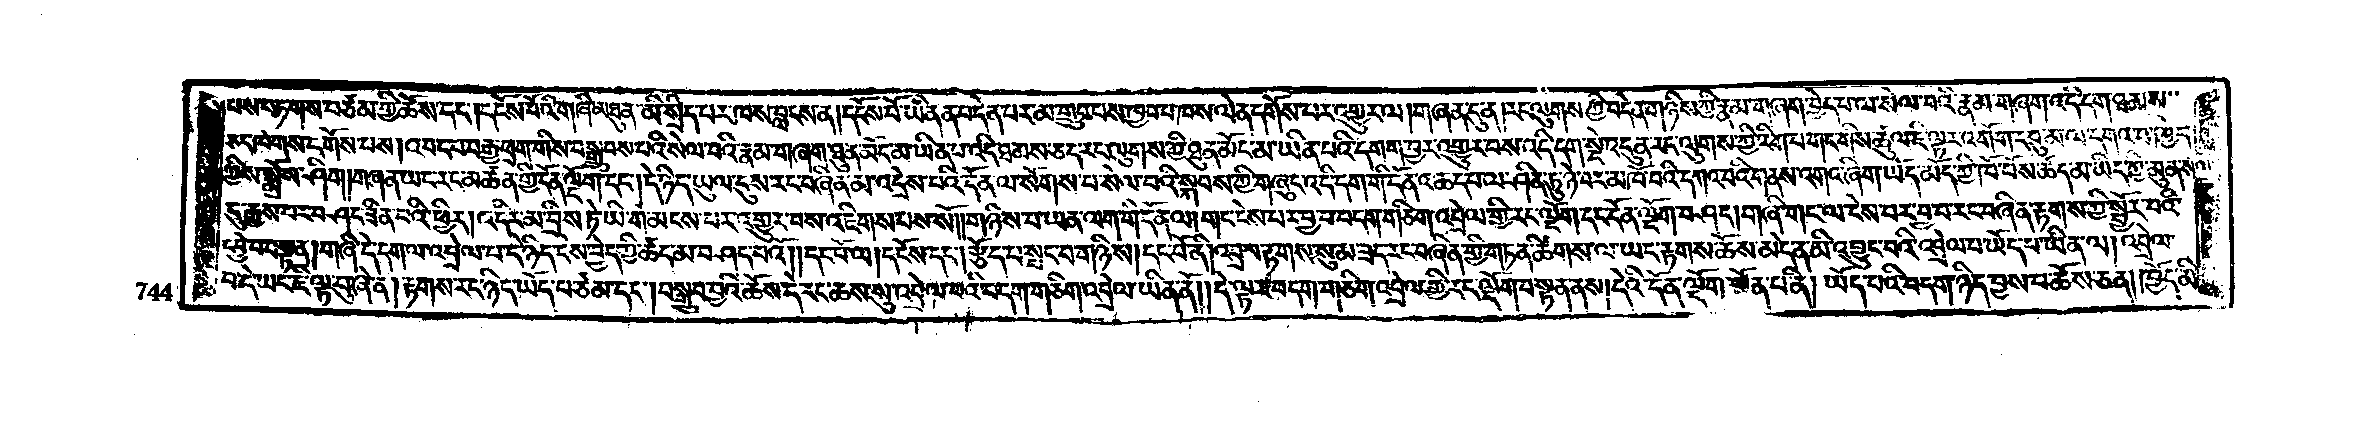པས་བཏགས་པ་ཙམ་གྱི་ཆོས་དང་། དངོས་པོའི་གཞི་མཐུན་མི་སྲིད་པར་ཁས་བླངས་ན། དངོས་པོ་ཡིན་ན་བདེན་པར་མ་གྲུབ་པས་ཁྱབ་པ་ཁས་ལེན་དགོས་པར་འགྱུར་ལ། གཞན་དུ་ན། རང་ལུགས་ཀྱི་བདེན་གཉིས་ཀྱི་རྣམ་གཞག་བྱེད་པ་ལ་སེལ་བའི་རྣམ་གཞག་འདི་དག་ཐམས་
ཅད་ཁེགས་དགོས་པས། འབད་པ་བརྒྱ་ཕྲག་གིས་བསྒྲུབས་པའི་སེལ་བའི་རྣམ་གཞག་ཐུན་མོང་མ་ཡིན་པ་འདི་ཐམས་ཅད་རང་ལུགས་ཀྱི་ཐུན་མོང་མ་ཡིན་པའི་དགག་བྱར་འགྱུར་བས་འདི་དག་སྡེ་འདུན་རང་ལུགས་ཀྱི་རིག་པ་གང་གིས་ཚུལ་ཇི་ལྟར་འགོག་དབུ་མ་ལ་དགའ་བ་ཁྱེད་
ཀྱིས་སྨྲོས་ཤིག །གཞན་ཡང་རང་མཚན་གྱི་དོན་ལྡོག་དང་། དེ་ཉིད་ཡུལ་དུས་རང་བཞིན་མ་འདྲེས་པའི་དོན་ལ་སོགས་པ་སེལ་བའི་སྐབས་ཀྱི་གཞུང་འདི་དག་གི་དོན་འཆད་པ་ལ་ཤིན་ཏུ་ཉེ་བར་མཁོ་བའི་དཀའ་བའི་གནས་འགའ་ཞིག་ཡོད་མོད་ཀྱི་ཁོ་བོས་ཚད་མ་ཡིད་ཀྱི་མུན་སེལ་
དུ་རྒྱས་པར་བཤད་ཟིན་པའི་ཕྱིར། འདིར་མ་བྲིས་ཏེ་ཡི་གེ་མངས་པར་འགྱུར་བས་འཇིགས་པས་སོ། །གཉིས་པ་ཡན་ལག་གི་དོན་ལ། གང་ངེས་པར་བྱ་བ་བདག་གཅིག་འབྲེལ་གྱི་རང་ལྡོག་དང་དོན་ལྡོག་བཤད། གཞི་གང་ལ་ངེས་པར་བྱ་བ་རང་བཞིན་རྟགས་ཀྱི་སྦྱོར་བའི་
དབྱེ་བ་བསྟན། གཞི་དེ་དག་ལ་འབྲེལ་པ་དེ་ཉིད་ངེས་བྱེད་ཀྱི་ཚད་མ་བཤད་པའོ། །དང་པོ་ལ། དངོས་དང་། རྩོད་པ་སྤང་བ་གཉིས། དང་པོ་ནི། འབྲས་རྟགས་སུ་མ་ཟད་རང་བཞིན་གྱི་གཏན་ཚིགས་ལ་ཡང་རྟགས་ཆོས་མེད་ན་མི་འབྱུང་བའི་འབྲེལ་བ་ཡོད་པ་ཡིན་ལ། འབྲེལ་
བ་དེ་ཡང་ཇི་ལྟ་བུ་ཞེ་ན། རྟགས་རང་ཉིད་ཡོད་པ་ཙམ་དང་། བསྒྲུབ་བྱའི་ཆོས་དེ་རང་ཆས་སུ་འབྲེལ་བའི་བདག་གཅིག་འབྲེལ་ཡིན་ནོ། །དེ་ལྟར་བདག་གཅིག་འབྲེལ་གྱི་རང་ལྡོག་བསྟན་ནས། དེའི་དོན་ལྡོག་སྟོན་པ་ནི། ཡོད་པའི་བདག་ཉིད་བྱས་པ་ཆོས་ཅན། ཁྱོད་མི་